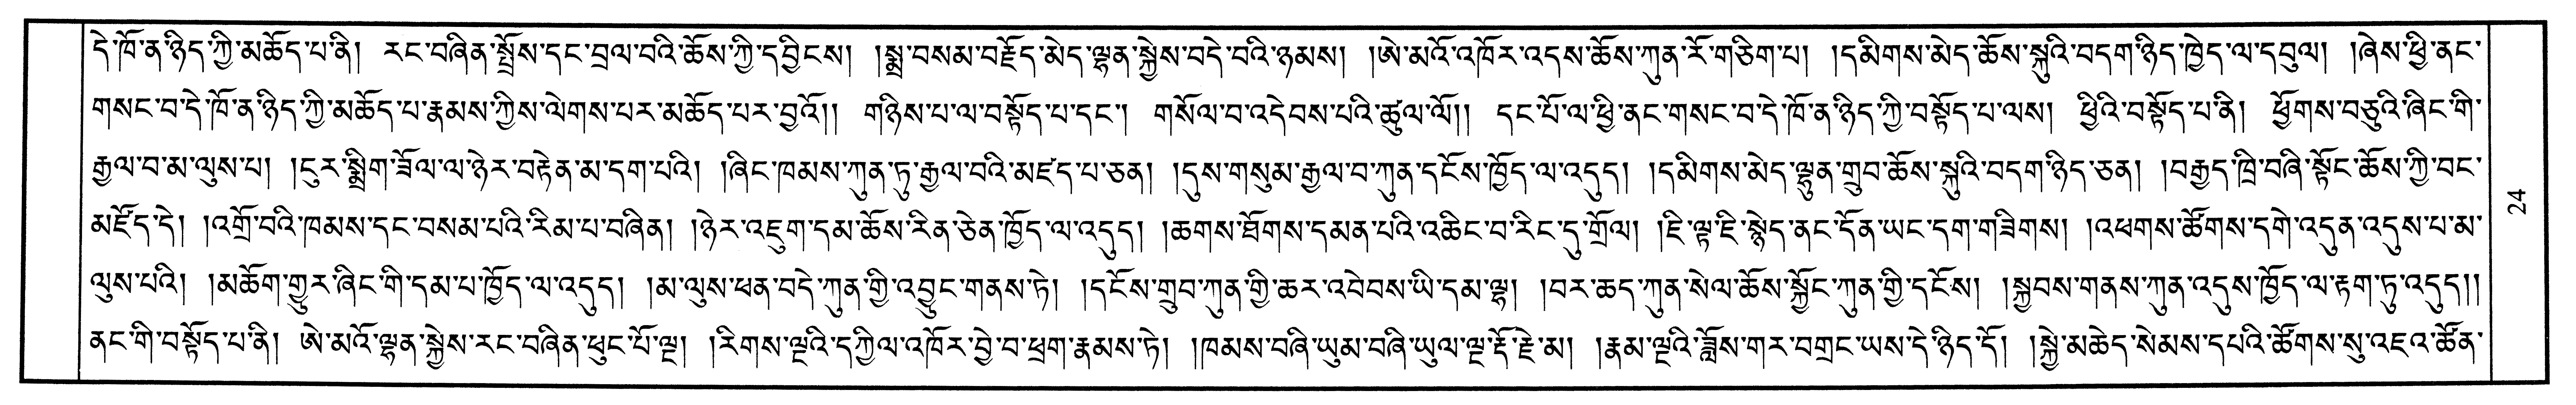དེ་ཁོ་ན་ཉིད་ཀྱི་མཆོད་པ་ནི། །རང་བཞིན་སྤྲོས་དང་བྲལ་བའི་ཆོས་ཀྱི་དབྱིངས། །སྨྲ་བསམ་བརྗོད་མེད་ལྷན་སྐྱེས་བདེ་བའི་ཉམས། །ཨེ་མའོ་འཁོར་འདས་ཆོས་ཀུན་རོ་གཅིག་པ། །དམིགས་མེད་ཆོས་སྐུའི་བདག་ཉིད་ཁྱེད་ལ་དབུལ། །ཞེས་ཕྱི་ནང་
གསང་བ་དེ་ཁོ་ན་ཉིད་ཀྱི་མཆོད་པ་རྣམས་ཀྱིས་ལེགས་པར་མཆོད་པར་བྱའོ། །གཉིས་པ་ལ་བསྟོད་པ་དང་། །གསོལ་བ་འདེབས་པའི་ཚུལ་ལོ། །དང་པོ་ལ་ཕྱི་ནང་གསང་བ་དེ་ཁོ་ན་ཉིད་ཀྱི་བསྟོད་པ་ལས། ཕྱིའི་བསྟོད་པ་ནི། ཕྱོགས་བཅུའི་ཞིང་གི་
རྒྱལ་བ་མ་ལུས་པ། །ངུར་སྨྲིག་ཟོལ་ལ་ཉེར་བརྟེན་མ་དག་པའི། །ཞིང་ཁམས་ཀུན་ཏུ་རྒྱལ་བའི་མཛད་པ་ཅན། །དུས་གསུམ་རྒྱལ་བ་ཀུན་དངོས་ཁྱོད་ལ་འདུད། །དམིགས་མེད་ལྷུན་གྲུབ་ཆོས་སྐུའི་བདག་ཉིད་ཅན། །བརྒྱད་ཁྲི་བཞི་སྟོང་ཆོས་ཀྱི་བང་
མཛོད་དེ། །འགྲོ་བའི་ཁམས་དང་བསམ་པའི་རིམ་པ་བཞིན། །ཉེར་འཇུག་དམ་ཆོས་རིན་ཅེན་ཁྱོད་ལ་འདུད། །ཆགས་ཐོགས་དམན་པའི་འཆིང་བ་རིང་དུ་གྲོལ། །ཇི་ལྟ་ཇི་སྙེད་ནང་དོན་ཡང་དག་གཟིགས། །འཕགས་ཚོགས་དགེ་འདུན་འདུས་པ་མ་
ལུས་པའི། །མཆོག་གྱུར་ཞིང་གི་དམ་པ་ཁྱོད་ལ་འདུད། །མ་ལུས་ཕན་བདེ་ཀུན་གྱི་འབྱུང་གནས་ཏེ། །དངོས་གྲུབ་ཀུན་གྱི་ཆར་འབེབས་ཡི་དམ་ལྷ། །བར་ཆད་ཀུན་སེལ་ཆོས་སྐྱོང་ཀུན་གྱི་དངོས། །སྐྱབས་གནས་ཀུན་འདུས་ཁྱོད་ལ་རྟག་ཏུ་འདུད།།
ནང་གི་བསྟོད་པ་ནི། །ཨེ་མའོ་ལྷན་སྐྱེས་རང་བཞིན་ཕུང་པོ་ལྔ། །རིགས་ལྔའི་དཀྱིལ་འཁོར་བྱེ་བ་ཕྲག་རྣམས་ཏེ། །ཁམས་བཞི་ཡུམ་བཞི་ཡུལ་ལྔ་རྡོ་རྗེ་མ། །རྣམ་ལྔའི་ཟློས་གར་བགྲང་ཡས་དེ་ཉིད་དོ། །སྐྱེ་མཆེད་སེམས་དཔའི་ཚོགས་སུ་འཇའ་ཚོན་